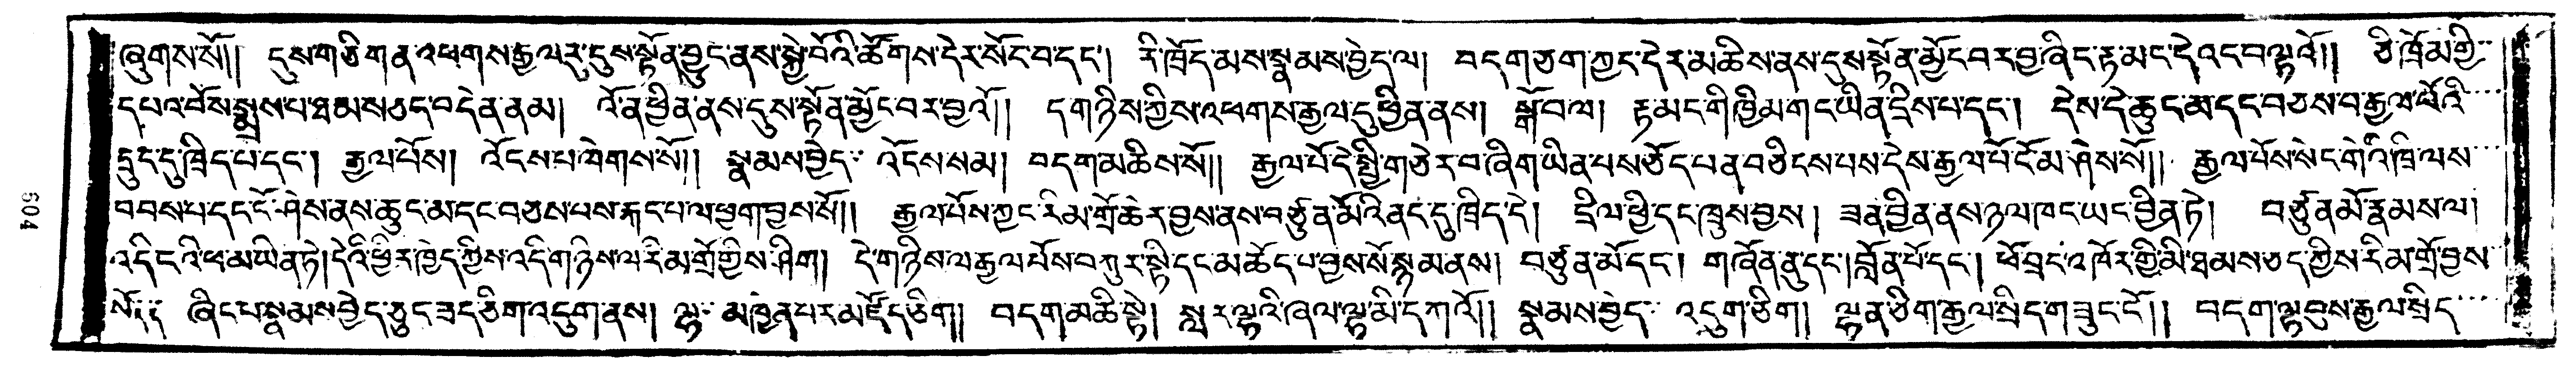ཞུགས་སོ།། དུས་གཅིག་ན་འཕགས་རྒྱལ་རུ་དུས་སྟོན་བྱུང་ནས་སྐྱེ་བོའི་ཚོགས་དེར་སོང་བ་དང་། རི་ཁྲོད་མས་སྣམས་བྱེད་ལ། བདག་ཅག་ཀྱང་དེར་མཆིས་ནས་དུས་སྟོན་མྱོང་བར་བྱ་ཞིང་རྟ་མང་དེའང་བལྟའོ།། ཅི་ཁྲོམ་གྱི་
དཔའ་བོས་སྨྲས་པ་ཐམས་ཅད་བདེན་ནམ། འོ་ན་ཕྱིན་ནས་དུས་སྟོན་མྱོང་བར་བྱའོ།། ད་གཉིས་ཀྱིས་འཕགས་རྒྱལ་དུ་ཕྱིན་ནས། སྒོ་བ་ལ། རྟ་མང་གི་ཁྱིམ་གང་ཡིན་དྲིས་པ་དང་། དེས་དེ་ཆུང་མ་དང་བཅས་པ་རྒྱལ་པོའི་
དྲུང་དུ་ཁྲིད་པ་དང་། རྒྱལ་པོས། འོངས་པ་ལེགས་སོ།། སྣམས་བྱེད་འོངས་སམ། བདག་མཆིས་སོ།། རྒྱལ་པོ་དེ་སྤྱི་གཅེར་བ་ཞིག་ཡིན་པས་ཅོད་པན་བཅིངས་པས་དེས་རྒྱལ་པོ་ངོ་མ་ཤེས་སོ།། རྒྱལ་པོས་སེང་གེའི་ཁྲི་ལས་
བབས་པ་དང་ངོ་ཤེས་ནས་ཆུང་མ་དང་བཅས་པས་རྐང་པ་ལ་ཕྱག་བྱས་སོ།། རྒྱལ་པོས་ཀྱང་རིམ་གྲོ་ཆེར་བྱས་ནས་བཙུན་མོའི་ནང་དུ་ཁྲིད་དེ། དྲིལ་ཕྱི་དང་ཁྲུས་བྱས། ཟན་བྱིན་ནས་ཉལ་ཁང་ཡང་བྱིན་ཏེ། བཙུན་མོ་རྣམས་ལ།
འདི་ངའི་ཕ་མ་ཡིན་ཏེ། དེའི་ཕྱིར་ཁྱེད་ཀྱིས་འདི་གཉིས་ལ་རིམ་གྲོ་གྱིས་ཤིག། དེ་གཉིས་ལ་རྒྱལ་པོས་བཀུར་སྟི་དང་མཆོད་པ་བྱས་སོ་སྙམ་ནས། བཙུན་མོ་དང་། གཞོན་ནུ་དང་། བློན་པོ་དང་། ཕོ་བྲང་འཁོར་གྱི་མི་ཐམས་ཅད་ཀྱིས་རིམ་གྲོ་བྱས་
སོ༑༑ ཞིང་པ་སྣམས་བྱེད་ཅུང་ཟད་ཅིག་འདུག་ནས། ལྷ་མཁྱེན་པར་མཛོད་ཅིག། བདག་མཆི་སྟེ། སླར་ལྷའི་ཞལ་ལྷ་མི་དཀའོ།། སྣམས་བྱེད་འདུག་ཅིག། ལྷན་ཅིག་རྒྱལ་སྲིད་གཟུང་ངོ།། བདག་ལྟ་བུས་རྒྱལ་སྲིད་